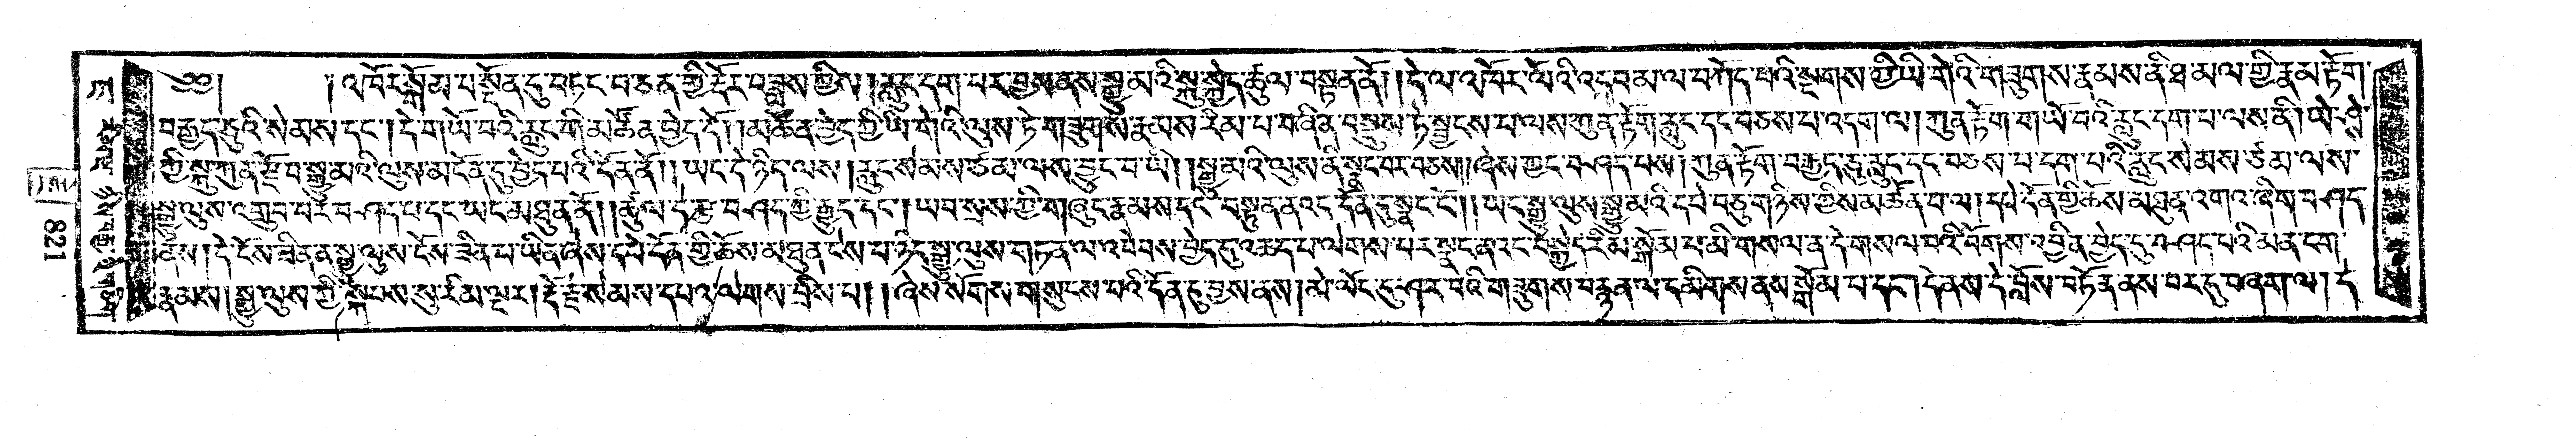༄༅། །འཁོར་སྒོམ་པ་སྔོན་དུ་བཏང་བ་ཅན་གྱི་རྡོར་བཟླས་ཀྱིས། རླུང་དག་པར་བྱས་ནས་སྒྱུ་མའི་སྐུ་སྐྱེད་ཚུལ་བསྟན་ནོ། །དེ་ལ་འཁོར་ལོའི་འདབ་མ་ལ་བཀོད་པའི་སྔགས་ཀྱི་ཡི་གེའི་གཟུགས་རྣམས་ནི་ཐ་མལ་གྱི་རྣམ་རྟོག་
བརྒྱད་ཅུའི་སེམས་དང་། དེ་གཡོ་བའི་རླུང་གི་མཚོན་བྱེད་དོ། །མཚོན་བྱེད་ཀྱི་ཡི་གེའི་ལུས་ཏེ་གཟུགས་རྣམས་རིམ་པ་བཞིན་བསྡུས་ཏེ་སྦྱངས་པ་ལས་ཀུན་རྟོག་རླུང་དང་བཅས་པ་འདག་ལ། ཀུན་རྟོག་གཡོ་བའི་རླུང་དག་པ་ལས་ནི། ཡེ་ཤེས་
ཀྱི་སྐུ་ཀུན་རྫོབ་སྒྱུ་མའི་ལུས་མངོན་དུ་བྱེད་པའི་དོན་ནོ། །ཡང་དེ་ཉིད་ལས། རླུང་སེམས་ཙམ་ལས་བྱུང་བ་ཡི། །སྒྱུ་མའི་ལུས་ནི་སྣང་བར་བཅས། །ཞེས་ཀྱང་བཤད་པས། ཀུན་རྟོག་བརྒྱད་ཅུ་རླུང་དང་བཅས་པ་དག་པའི་རླུང་སེམས་ཙམ་ལས་
སྒྱུ་ལུས་འགྲུབ་པར་བཤད་པ་དང་ཡང་མཐུན་ནོ། །ཚུལ་དེ་རྩ་བཤད་ཀྱི་རྒྱུད་དང་། ཡབ་སྲས་ཀྱི་གཞུང་རྣམས་དང་བསྟུན་ནའང་དོན་དུ་སྣང་ངོ། །ཡང་སྒྱུ་ལུས་སྒྱུ་མའི་དཔེ་བཅུ་གཉིས་ཀྱིས་མཚོན་པ་ལ། དཔེ་དོན་གྱི་ཆོས་མཐུན་འགའ་ཞིག་བཤད་
ནས། དེ་ངོས་ཟིན་ན་སྒྱུ་ལུས་ངོས་ཟིན་པ་ཡིན་ཞེས་དཔེ་དོན་གྱི་ཆོས་མཐུན་ངེས་པ་ཉིད་སྒྱུ་ལུས་གཏན་ལ་འབེབས་བྱེད་དུ་འཆད་པ་ལེགས་པར་སྣང་ནའང་བསྐྱེད་རིམ་སྒོམ་པ་མི་གསལ་ན་དེ་གསལ་བའི་བོགས་འབྱིན་བྱེད་དུ་བཤད་པའི་མན་ངག་
རྣམས། སྒྱུ་ལུས་ཀྱི་སྐབས་སུ་རིམ་ལྔར། རྡོ་རྗེ་སེམས་དཔའ་ལེགས་བྲིས་པ། །ཞེས་སོགས་གསུངས་པའི་དོན་དུ་བྱས་ནས། མེ་ལོང་དུ་ཤར་བའི་གཟུགས་བརྙན་ལ་དམིགས་ནས་སྒོམ་པ་དང་། དེ་ནས་དེ་བློས་བཏོན་ནས་བར་དུ་བཞག་ལ། དེ་